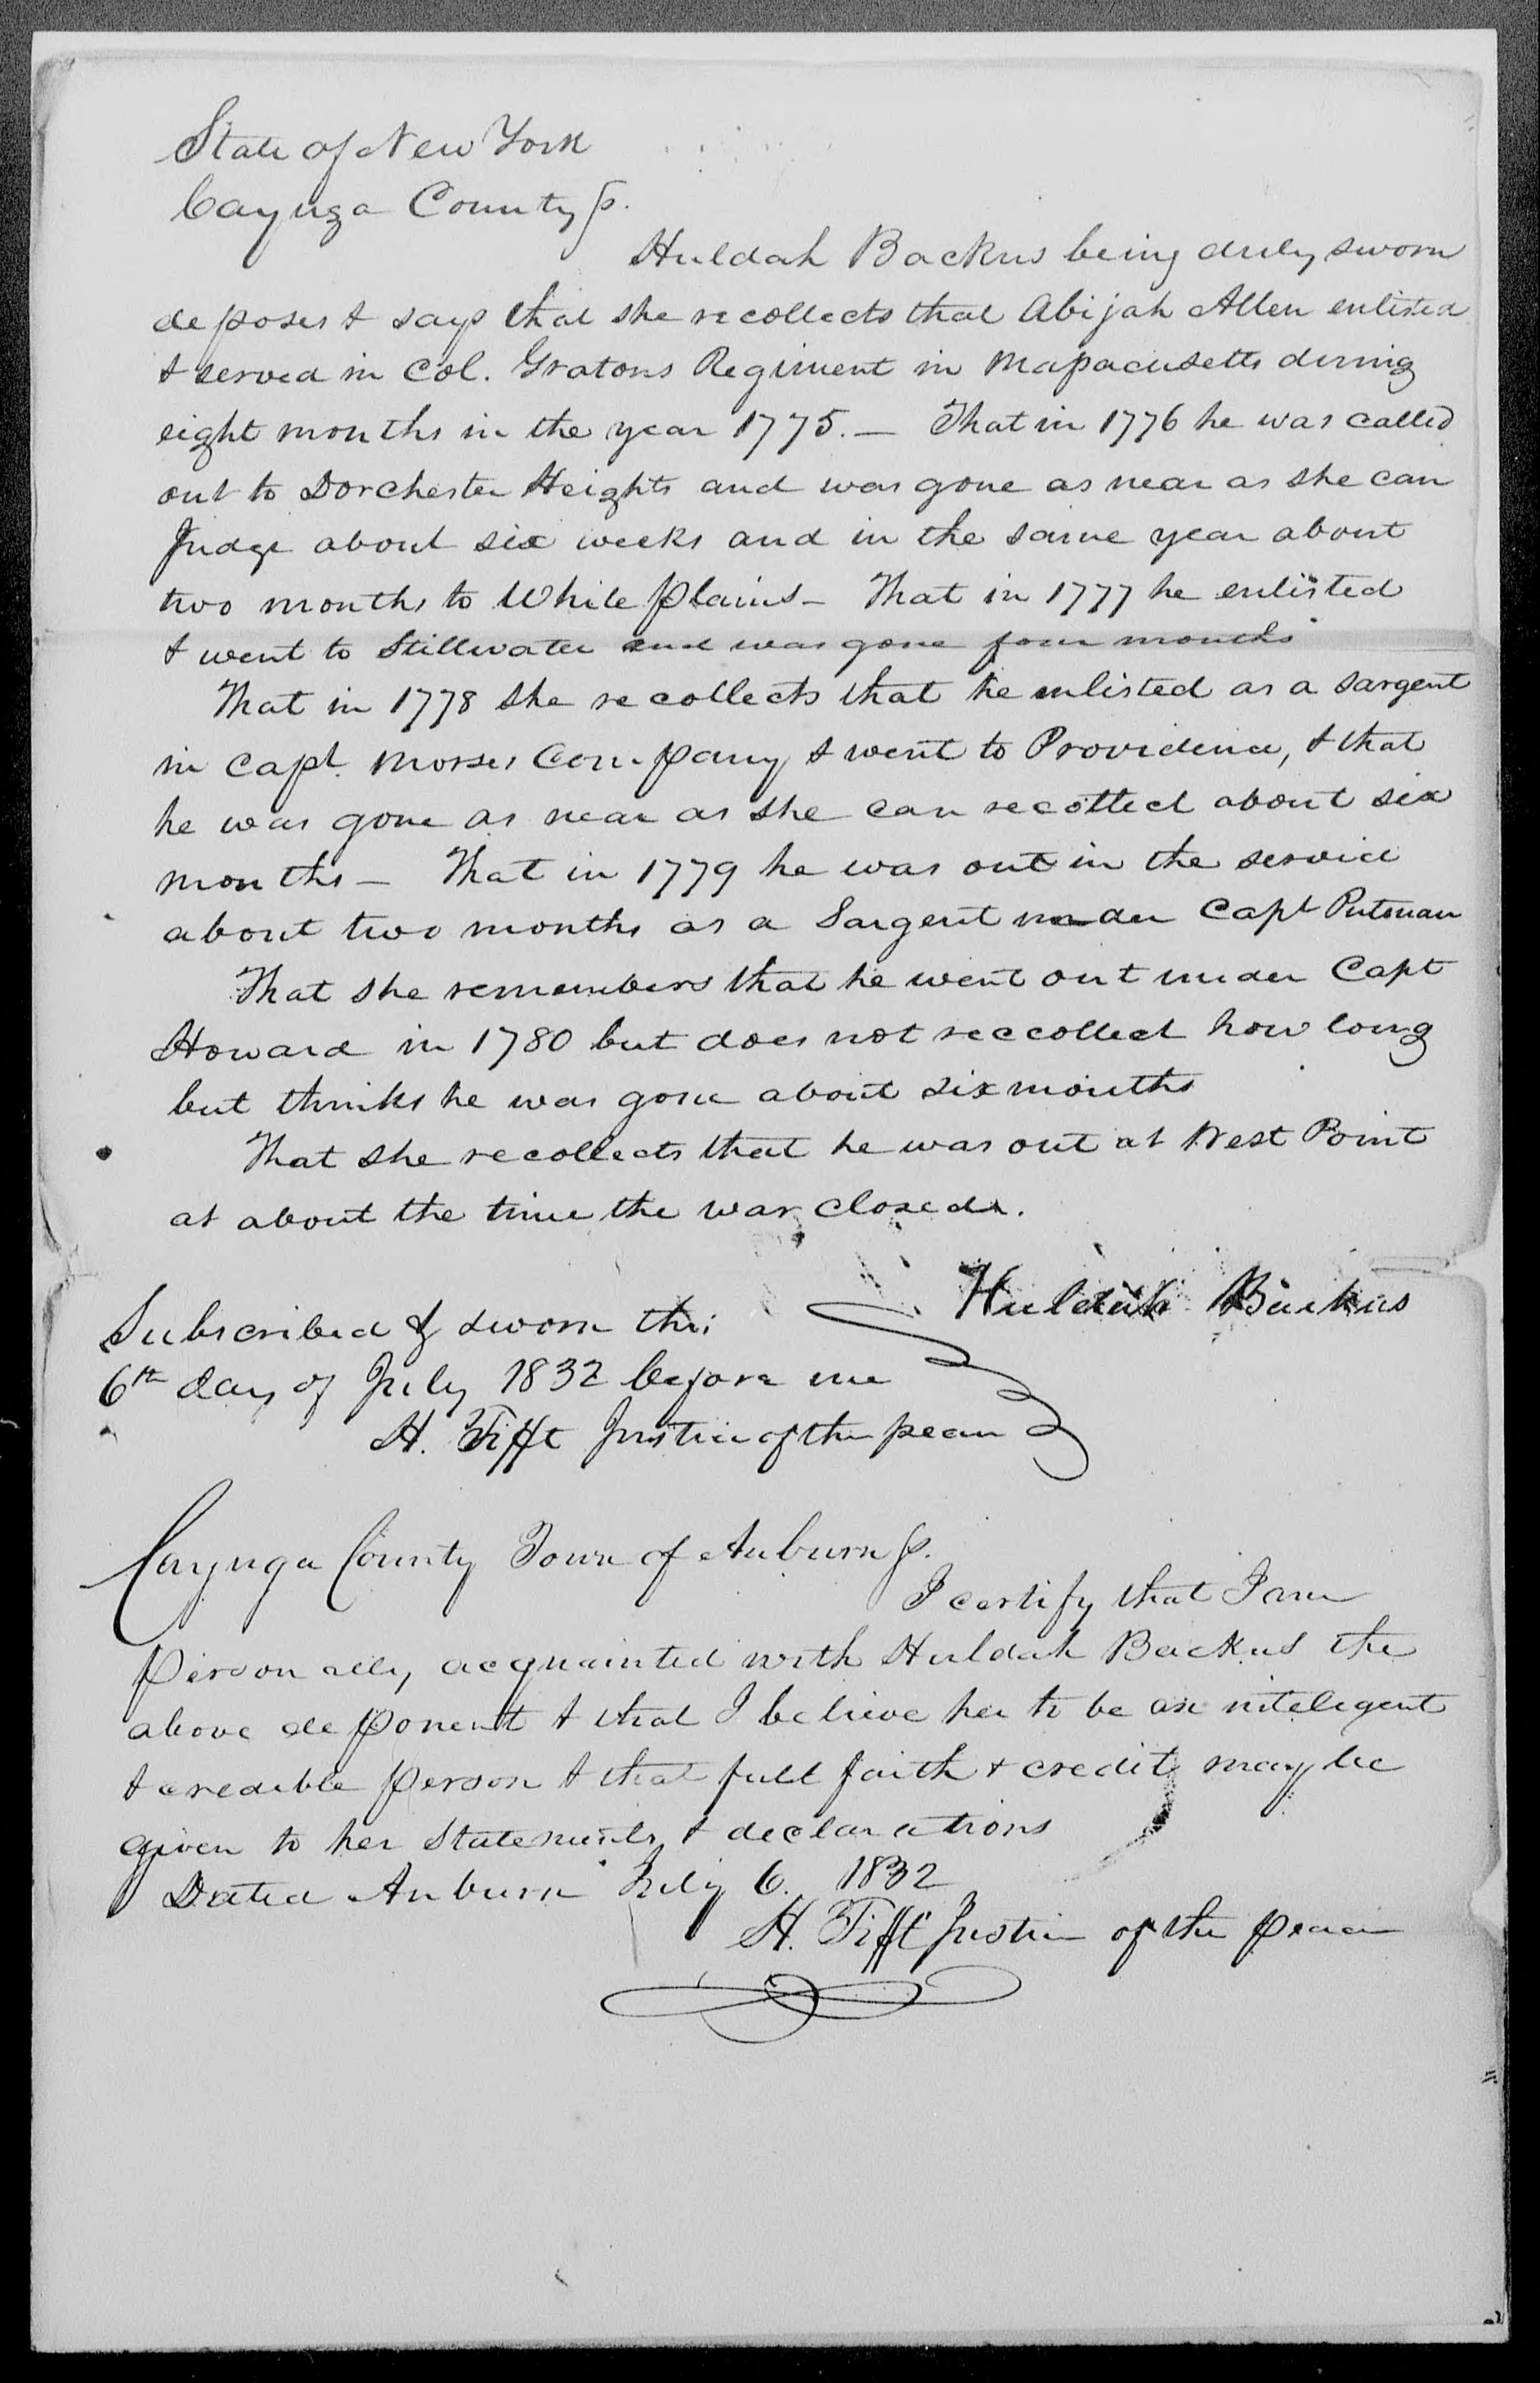State of New York
Cayuga County SS.
Huldah Backus being duly sworn deposes & says that she recollects that Abijah Allen enlisted & served in Col. Gratons Regiment in Massachusetts during eight months in the year 1775. That in 1776 he was called out to Dorchester Heights and was gone as near as she can judge about six weeks and in the same year about two months to White Plains. That in 1777 he enlisted & went to Stillwater and was gone four months
That in 1778 she recollects that he enlisted as a sargent in Capt. Morses Company & went to Providence, & that he was gone as near as she can recollect about six months. That in 1779 he was out in the service about two months as a sargent under Capt. Putsnan
That she remembers that he went out under Capt. Howard in 1780 but does not recollect how long but thinks he was gone about six months
That she recollects that he was out at West Point at about the time the war closed.
Subscribed & sworn the 6th day of July 1832 before me H. [illegible] Justice of the Peace
Huldah Backus 
Cayuga County Town of Auburn S.S. 
I certify that I am personally acquainted with Huldah Backus the above deponents & what I believe her to be an intelligent & credible person & what full faith +credit may be given to her statements + declarations
Dated Auburn July 6. 1832
H. [illegible] Justice of the Peace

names: Abijah Allen, H Tifft, Huldah Backus, Putman, H Tifft, Howard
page: 17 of 21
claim: survivor's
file: S. 15356, Abijah Allen, Mass.